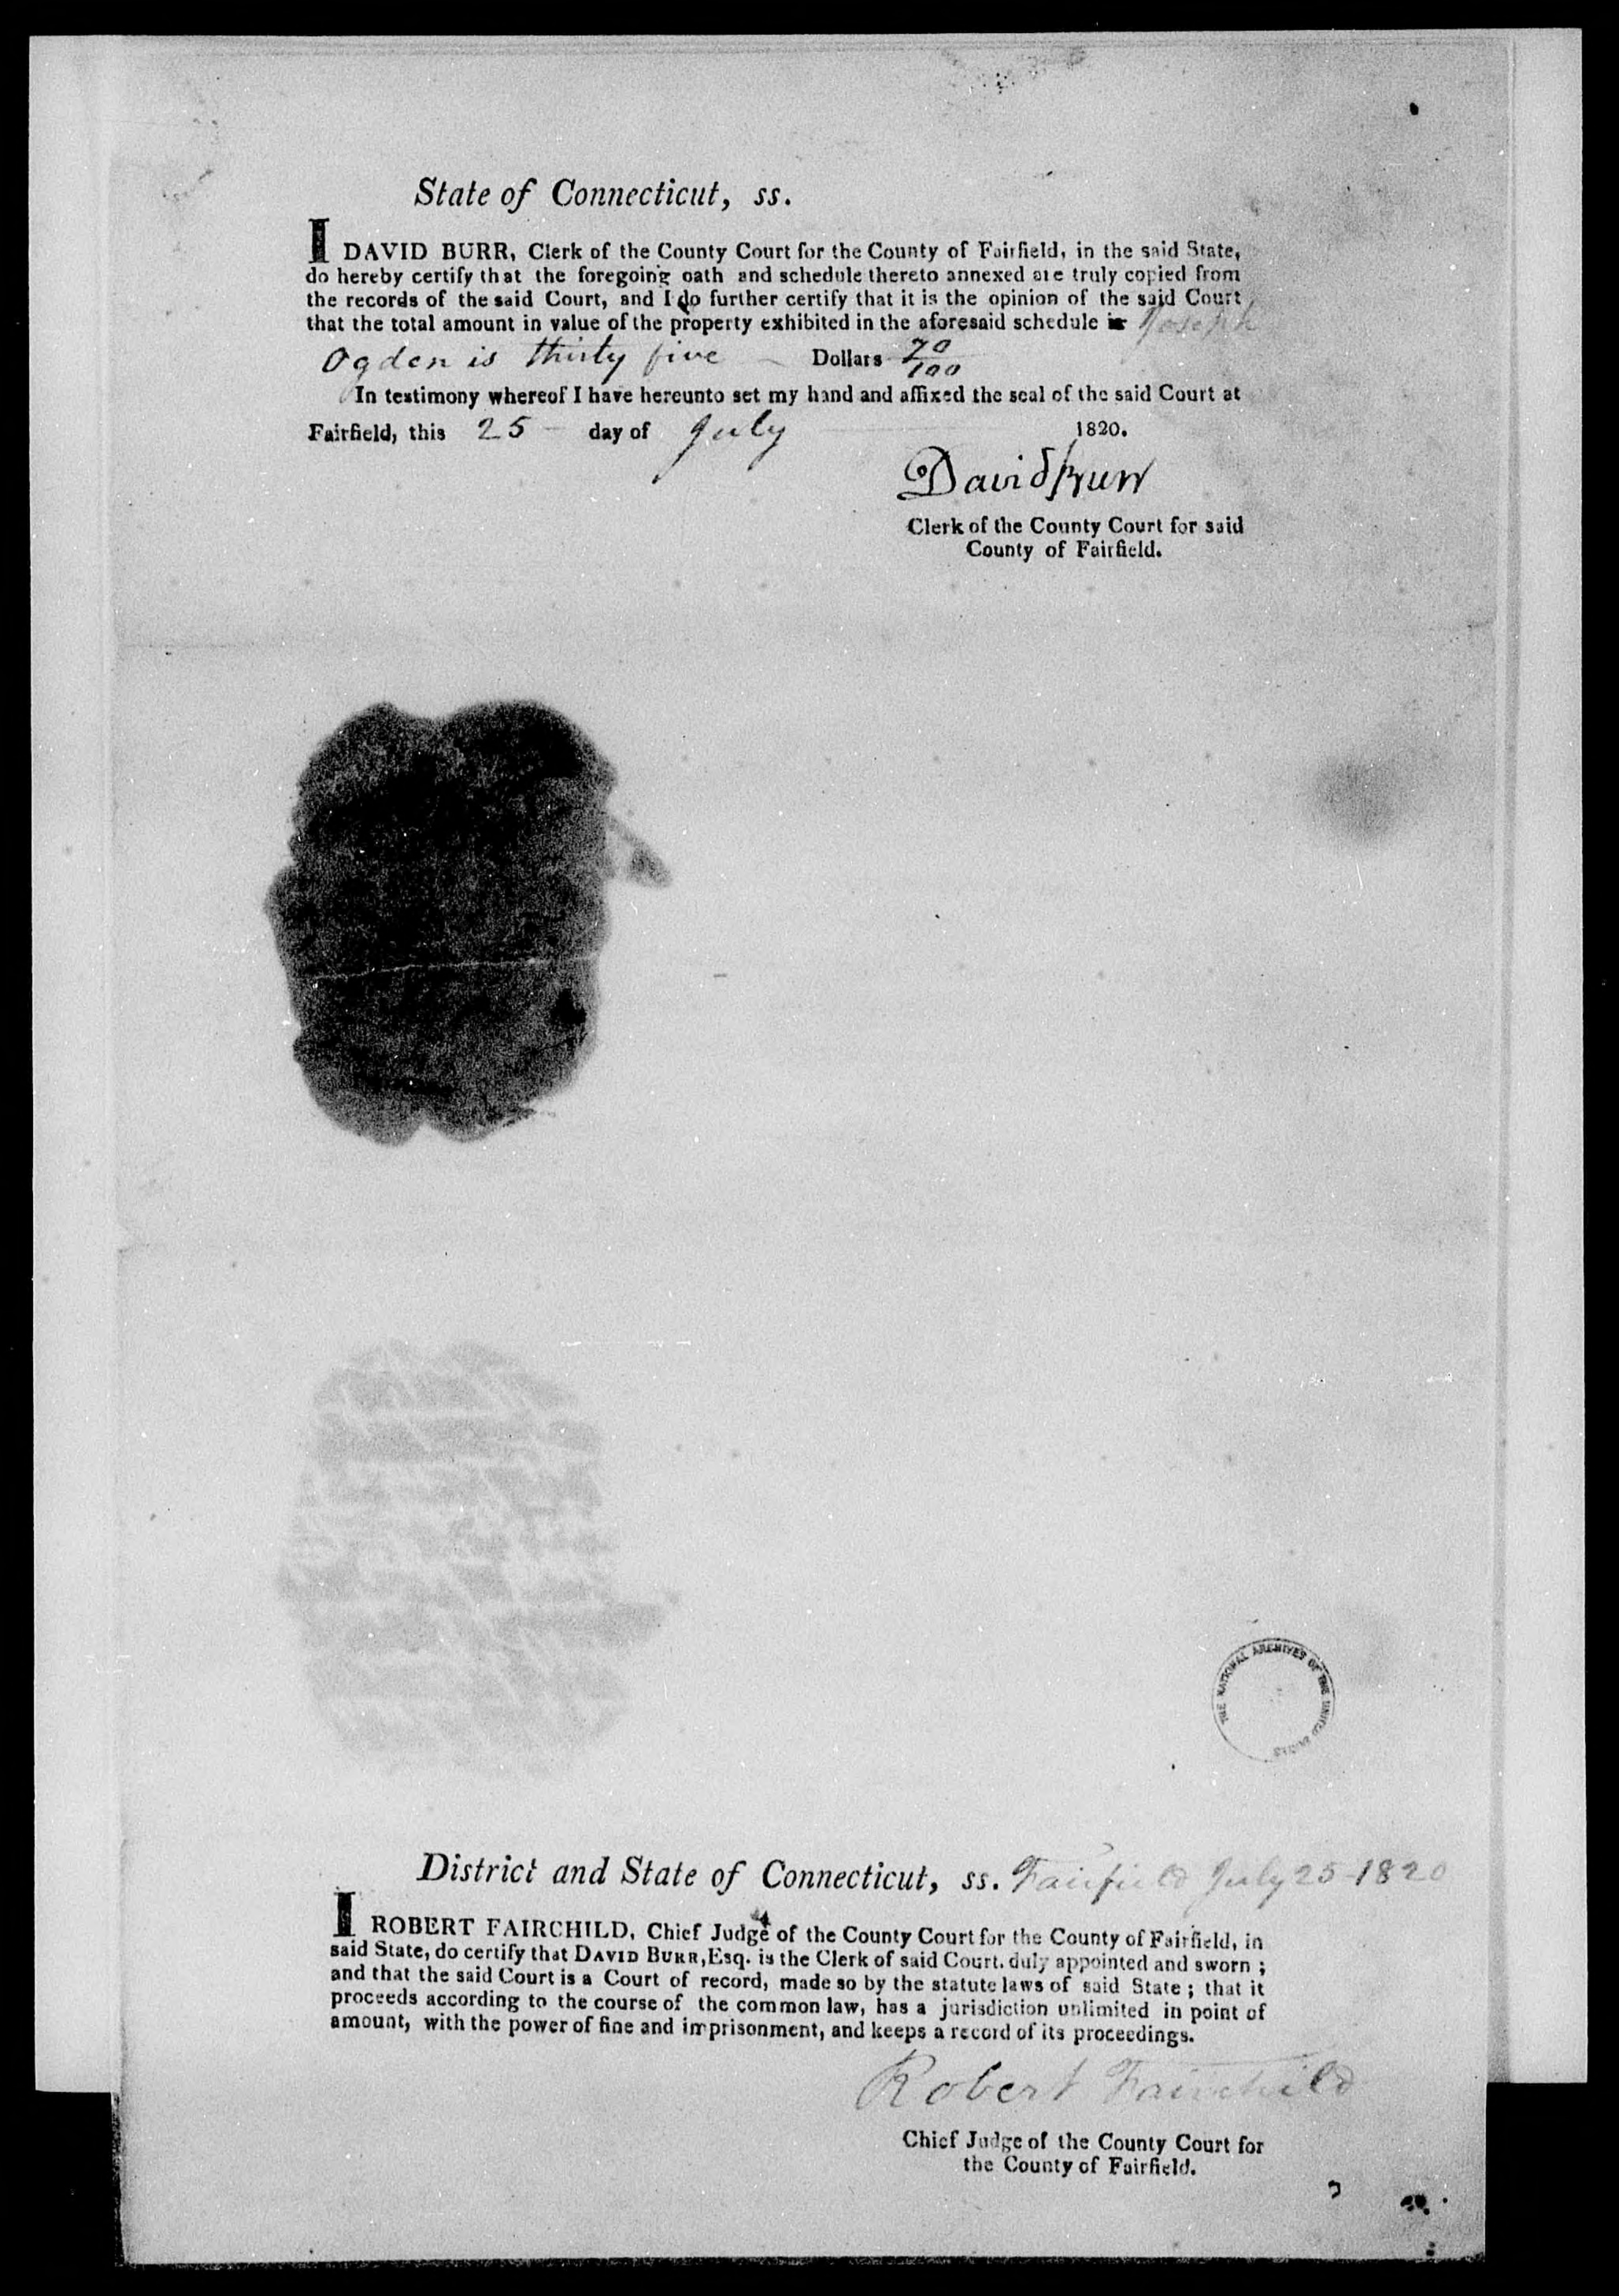State of Connecticut, ss.
I DAVID BURR, Clerk of the County Court for the County of Fairfield, in the said State
do hereby certify that the foregoing oath and schedule thereto annexed are truly copied from
the records of the said Court, and I do further certify that it is the opinion of the said Court
that the total amount in value of the property exhibited in the aforesaid schedule Joseph
this
Ogden is thirty five Dollars 70/100
In testimony whereof I have hereunto set my hand and affixed the seal of the said Court at
Fairfield, this 25 day of July 1820.
David Hunt
Clerk of the County Court for said
County of Fairfield.
District and State of Connecticut, ss. Fairfield July 25 1820
ROBERT FAIRCHILD, Chief Judge of the County Court for the County of Fairfield, in
said State, do certify that DAVID BURR, Esq. is the Clerk of said Court, duly appointed and sworn;
and that the said Court is a Court of record, made so by the statute laws of said State; that it
proceeds according to the course of the common law, has a jurisdiction unlimited in point of
amount, with the power of fine and imprisonment, and keeps a record of its proceedings.
Robert Fairchild
Chief Judge of the County Court for
the County of Fairfield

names: Joseph Ogden; Robert Fairchild; David Burr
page: 7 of 15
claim: survivor's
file: S. 38,277, for Joseph Ogden, Connecticut